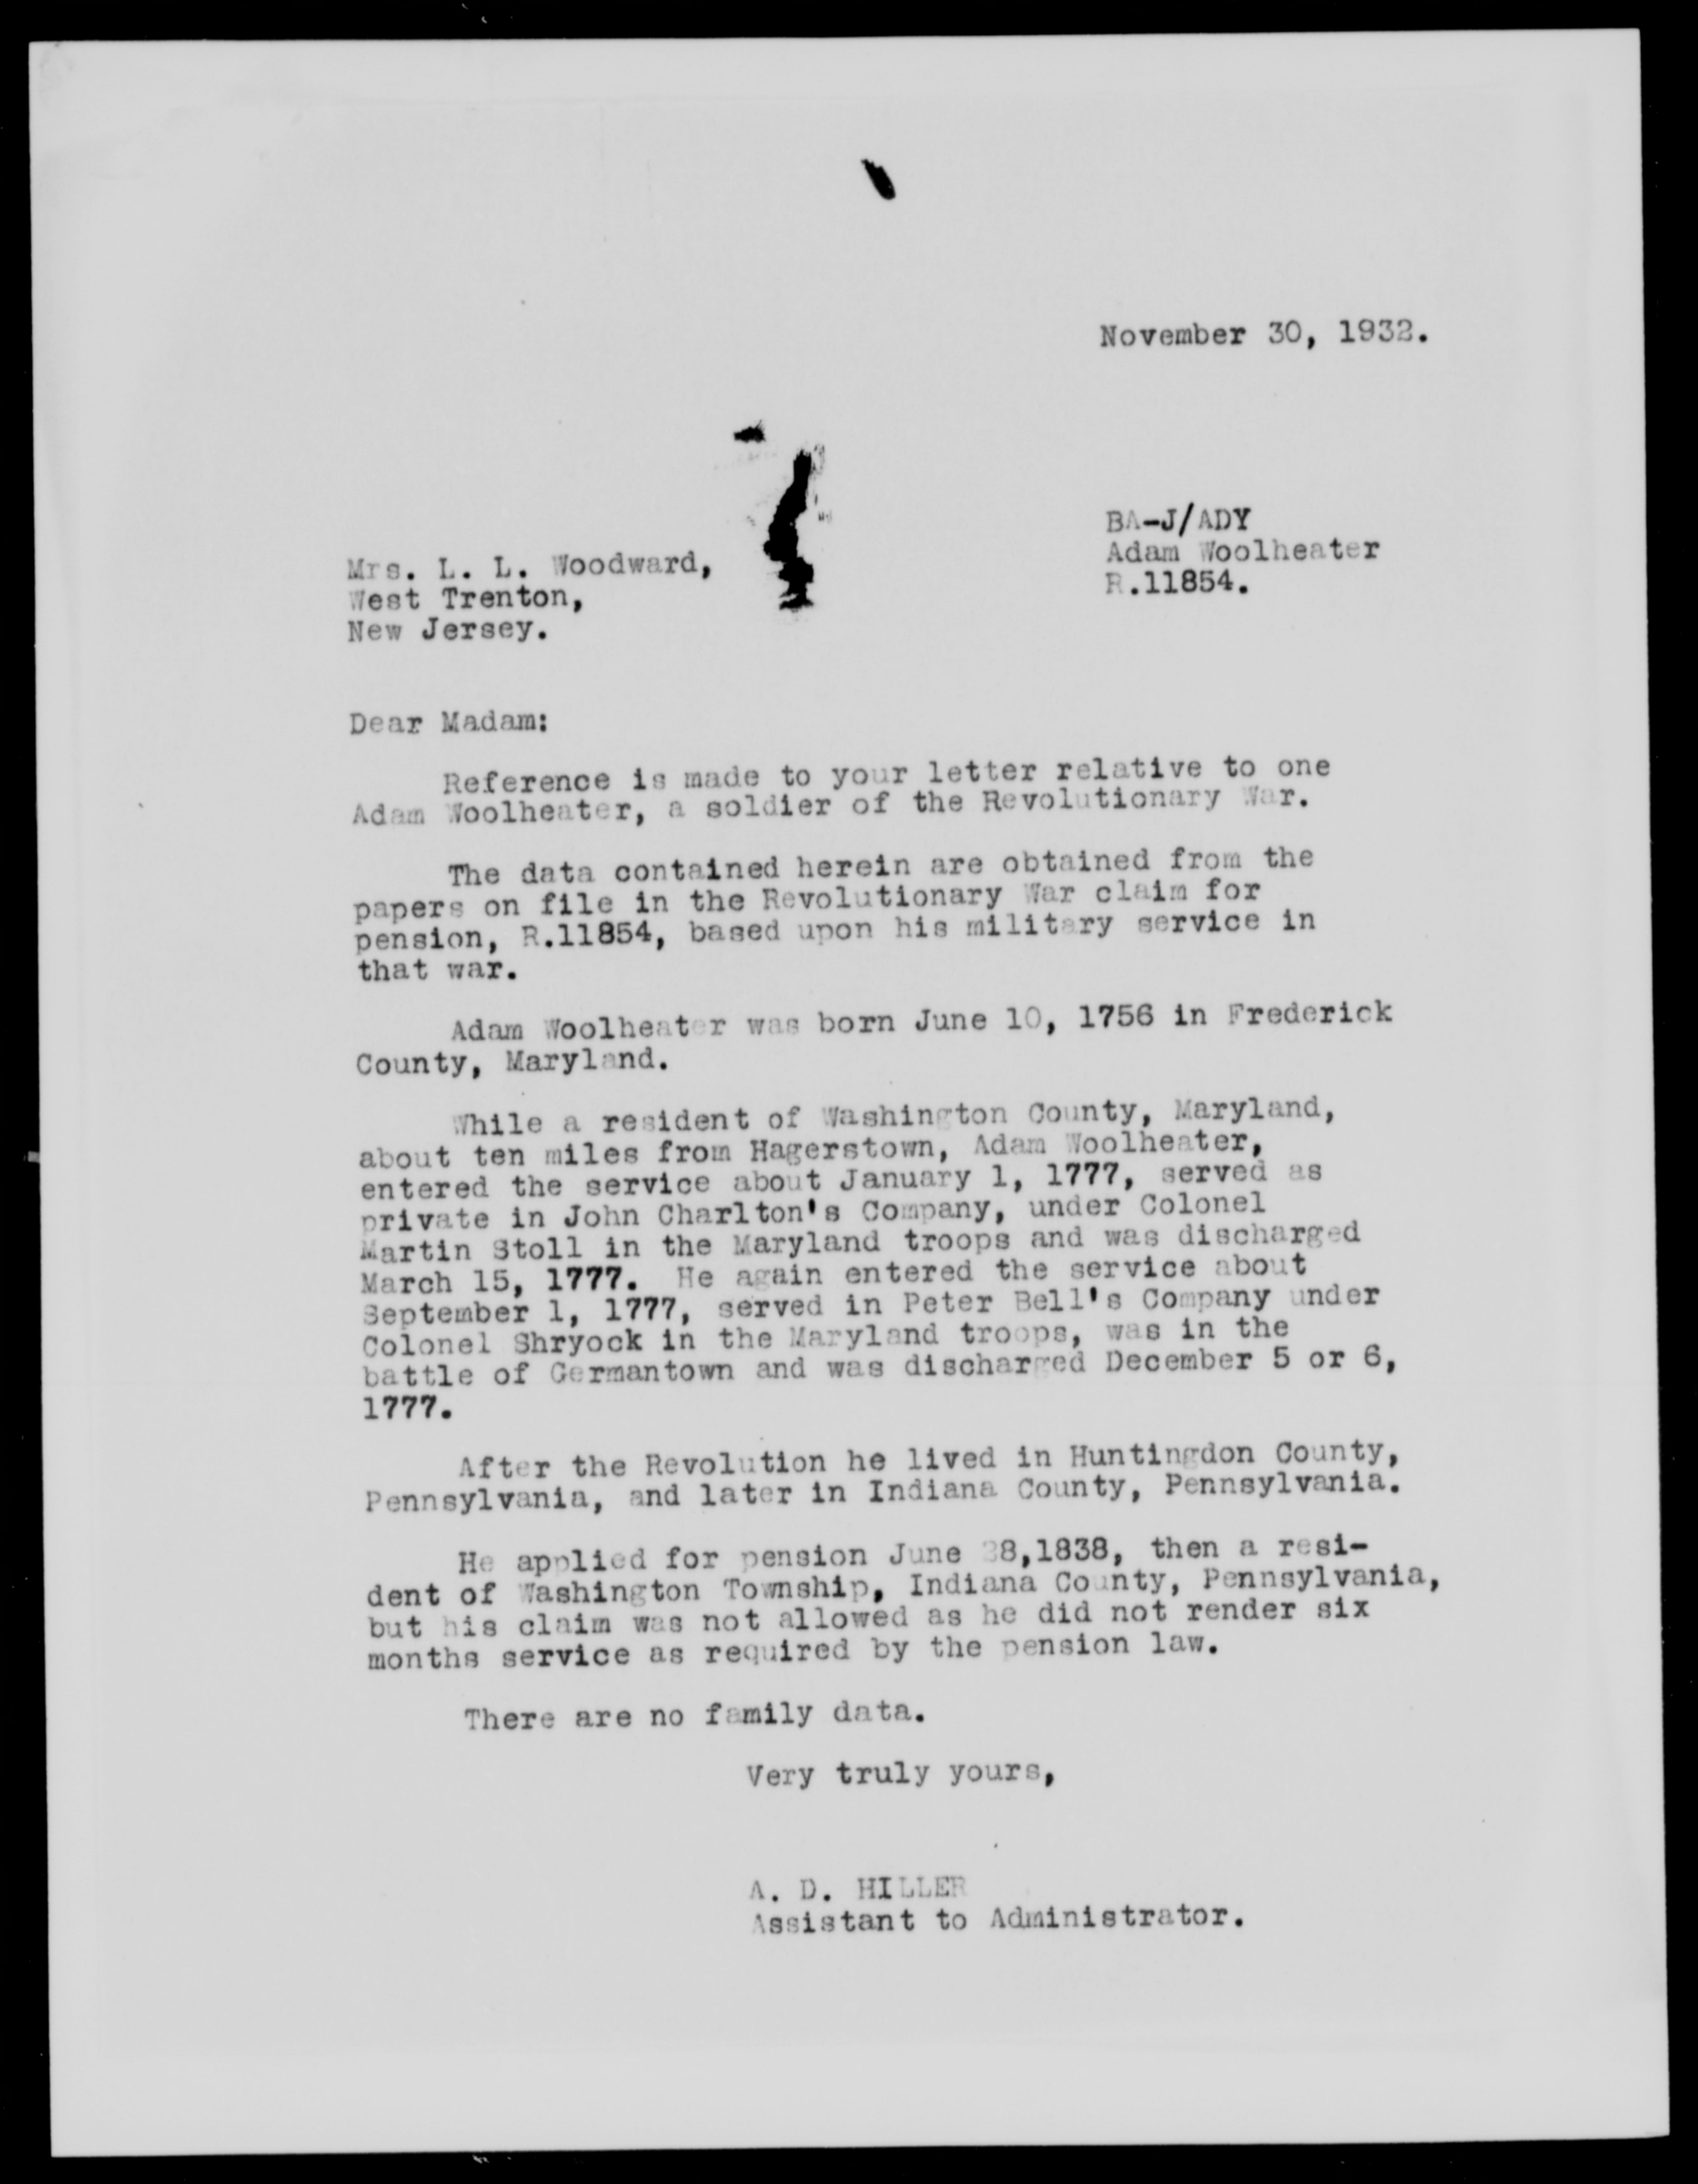November 30, 1932.

BA-J/ADY
Adam Woolheater
R. 11854

Mrs. L. L. Woodward,
West Trenton,
New Jersey.

Dear Madam:
Reference is made to your letter relative to one Adam Woolheater, a soldier of the Revolutionary War.
The data contained herein are obtained from the
papers on file in the Revolutionary War claim for
pension, R. 11854, based upon his military service in
that war.
Adam Woolheater was born June 10, 1756 in Frederick County, Maryland.
While a resident of Washington County, Maryland,
about ten miles from Hagerstown, Adam Woolheater, entered the service about January 1, 1777, served as private in John Charlton's Company, under Colonel Martin Stoll in the Maryland troops and was discharged March 15, 1777. He again entered the service about September 1, 1777, served in Peter Bell's Company under Colonel Shryock in the Maryland troops, was in the
battle of Germantown and was discharged December 5 or 6, 1777.
After the Revolution he lived in Huntingdon County,
Pennsylvania, and later in Indiana County, Pennsylvania.
He applied for pension June 28, 1838, then a resident of Washington Township, Indiana County, Pennsylvania, but his claim was not allowed as he did not render six months service as required by the pension law.
There are no family data.

Very truly yours,
A. D. HILLER
Assistant to Administrator.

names: Martin Stoll, L L Woodward, Adam Woolheater, Shryock, A D Hiller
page: 6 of 18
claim: rejected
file: R. 11854, Adam Woolheater, Md.